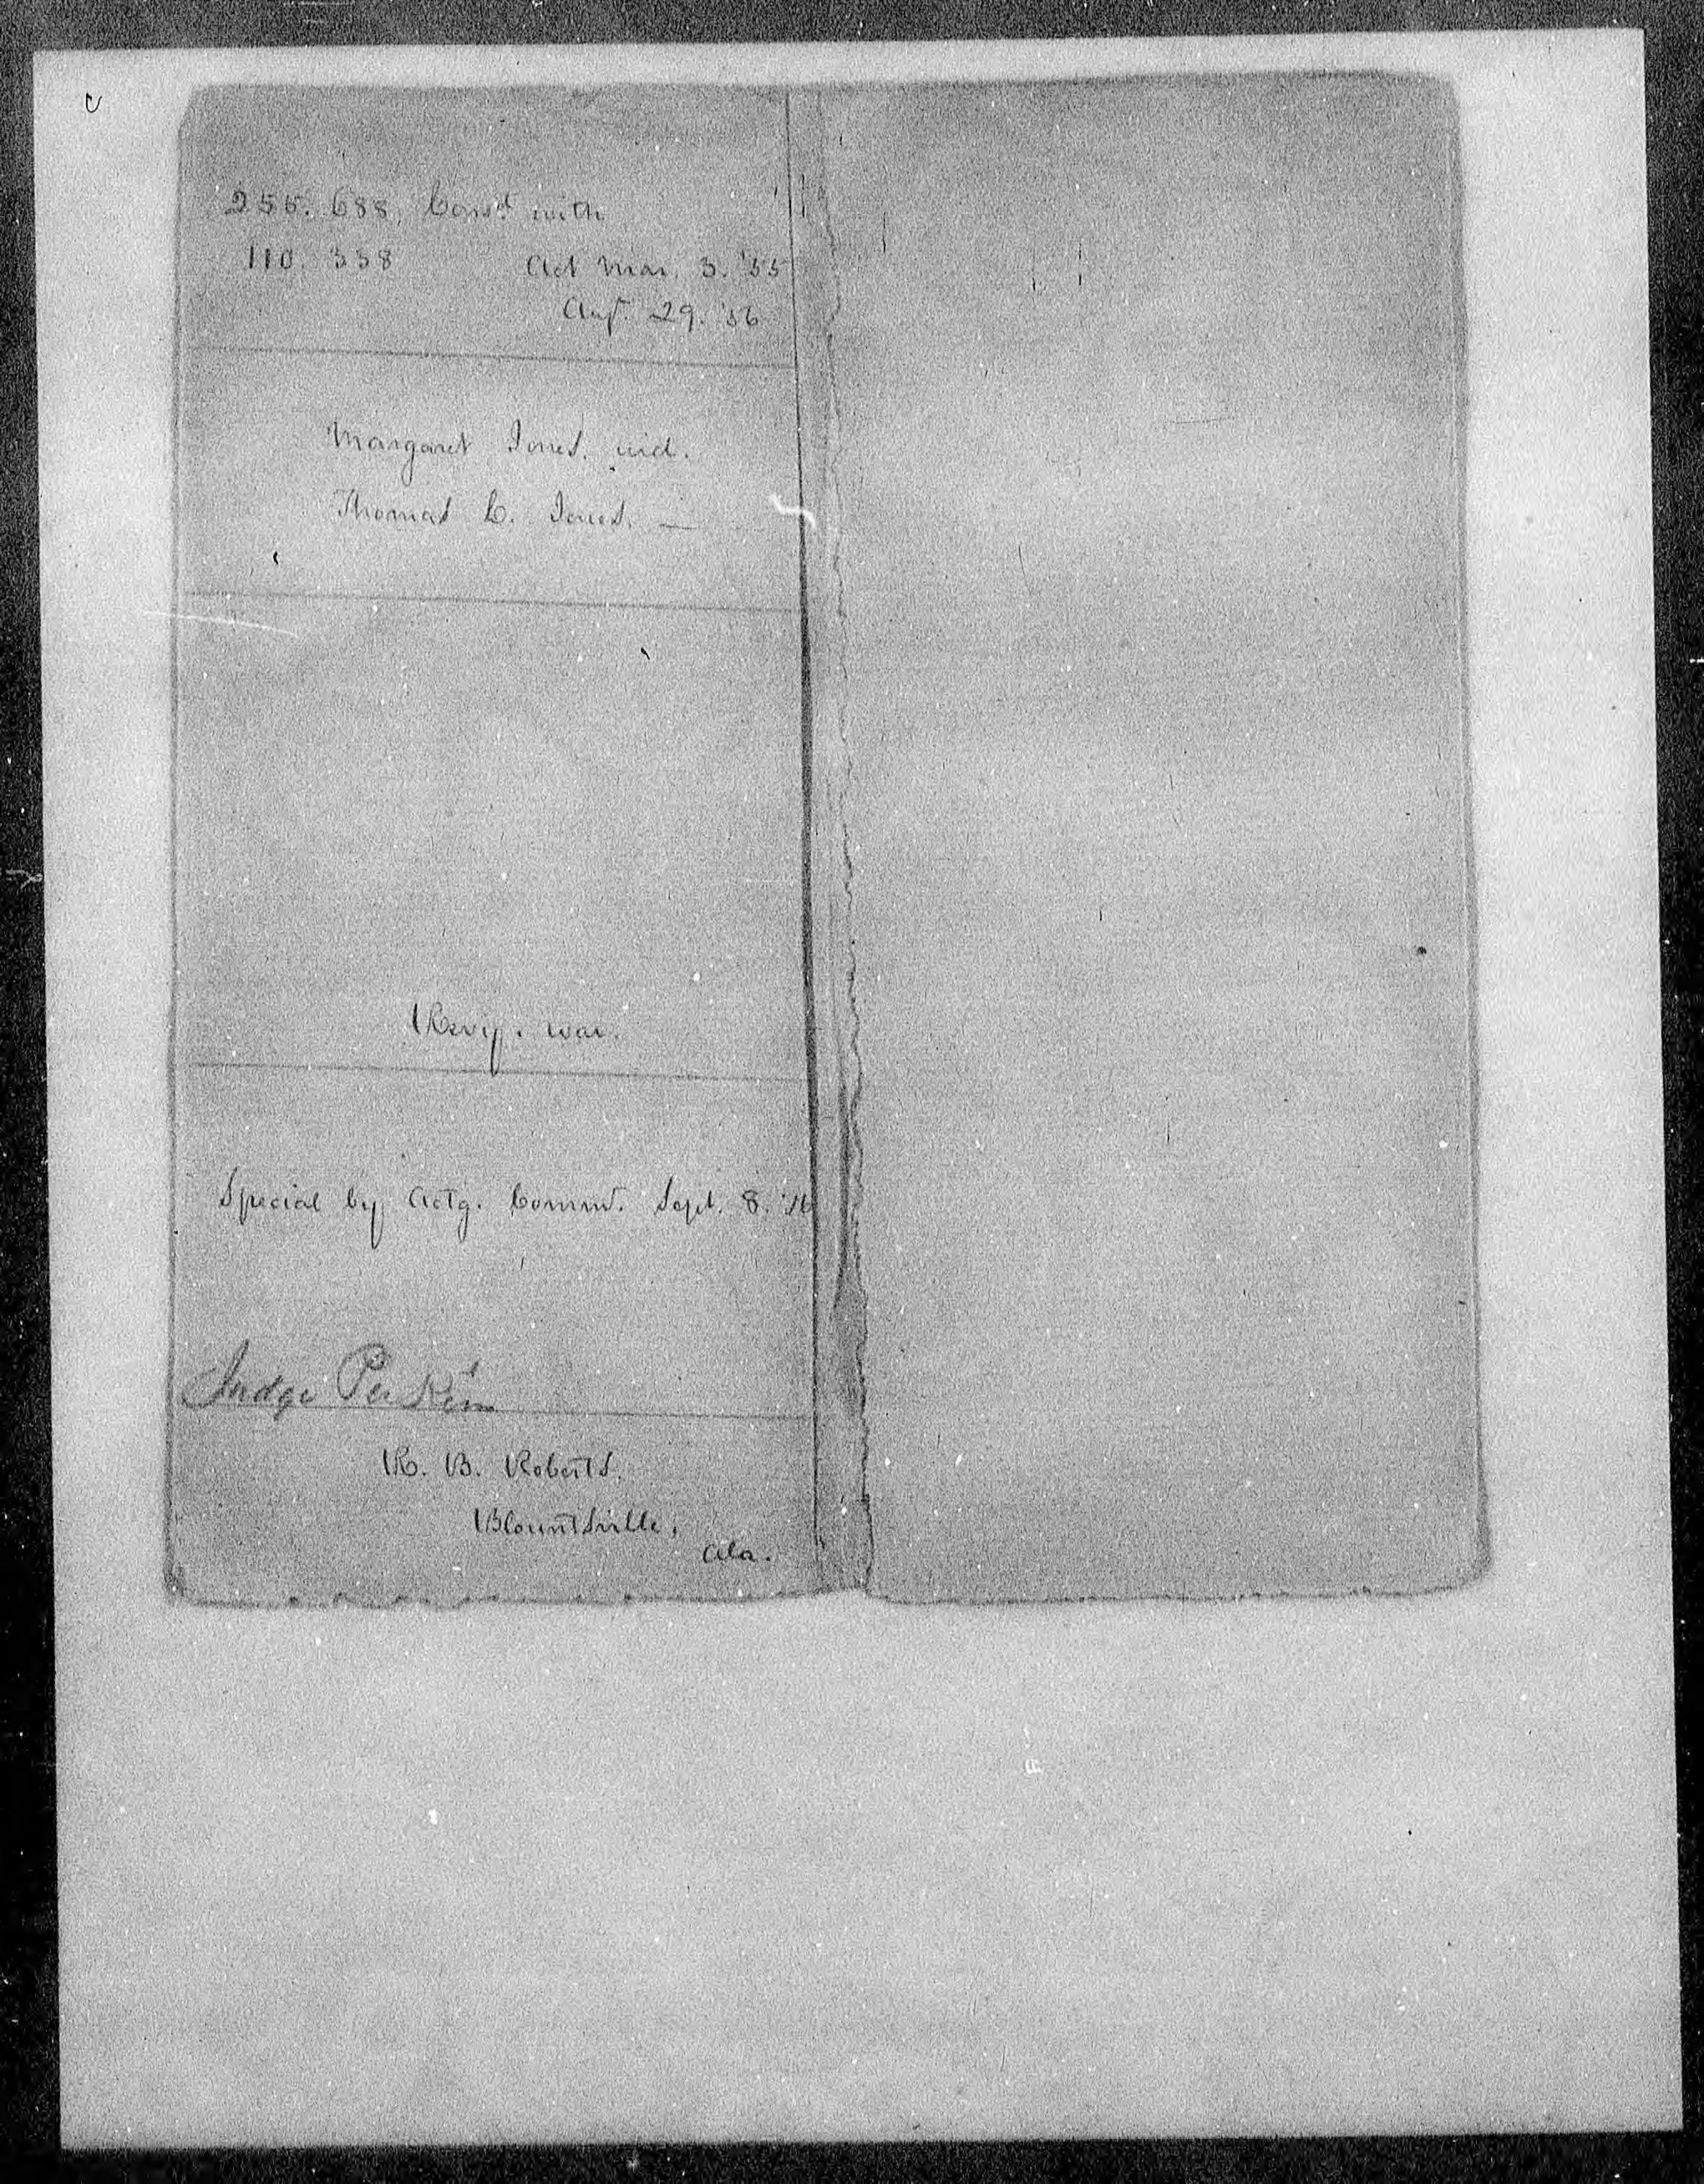255.688 Consd with
110.338     
Abt Mar. 3 '55
Aug 29 '56

Margaret Jones wid.
Thomas C. Jones

Rev. war.

Special by Actg. Comm. Sept. 8 '56
Judge Perkins
R.B. Roberts
Blountsville, Ala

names: Thomas C Jones; R B Roberts; Margaret Jones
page: 5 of 45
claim: widow's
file: W. 26160, for Thomas C Jones, Georgia